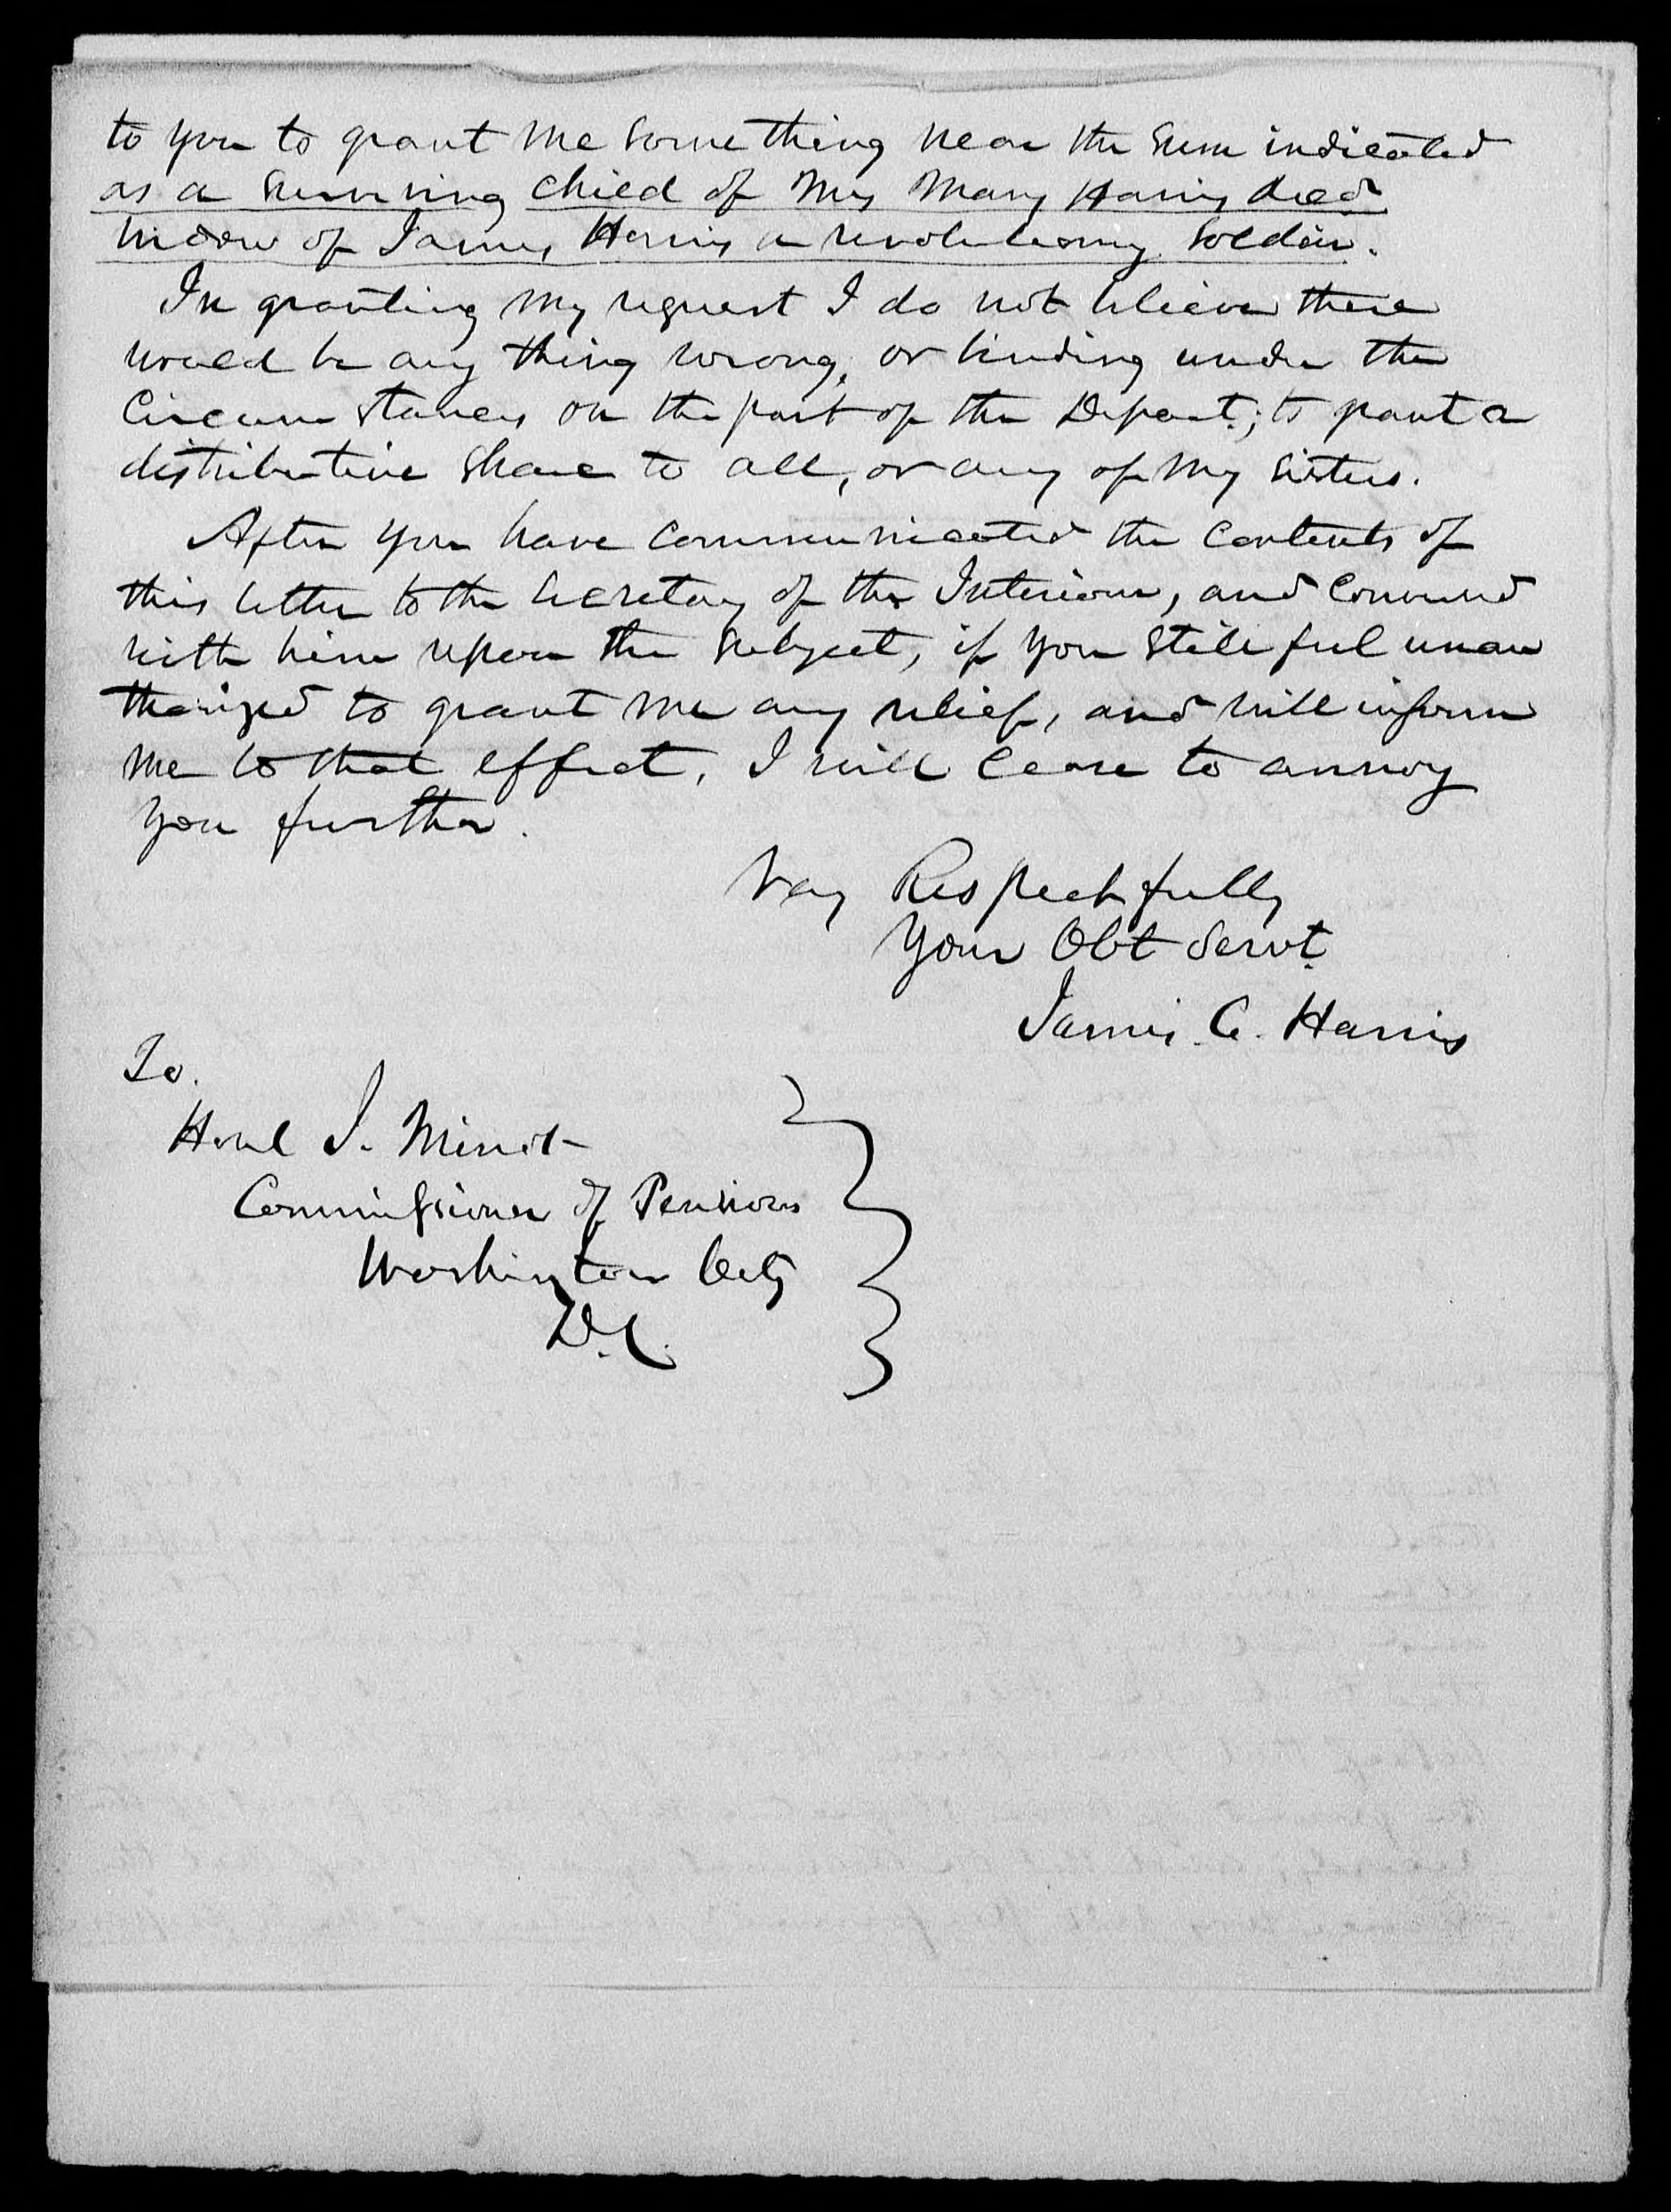to you to grant me something near the sum indicated as a surviving child of Mrs. Mary Harris decd, widow of James Harris a revolutionary soldier.
   In granting my request I do not believe there would be any thing wrong, or binding under the circumstances on the part of the Depart, to grant a distributive share to all or any of my  sisters.
   After you have communicated the contents of this letter to the Secretary of the Interior, and conversed with him upon the subject, if you still feel unauthorized to grant me any relief, and will inform me to that effect, I will cease to annoy you further.
 Very Respectfully
Your Obt Servt
James C. Harris

To
Honl J Minot
Commissioner of Pensions
Washington City
D.C.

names: James Harris, J Minot, James C Harris, Mary Harris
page: 41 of 160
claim: rejected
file: R. 4666, James Harris, Va.